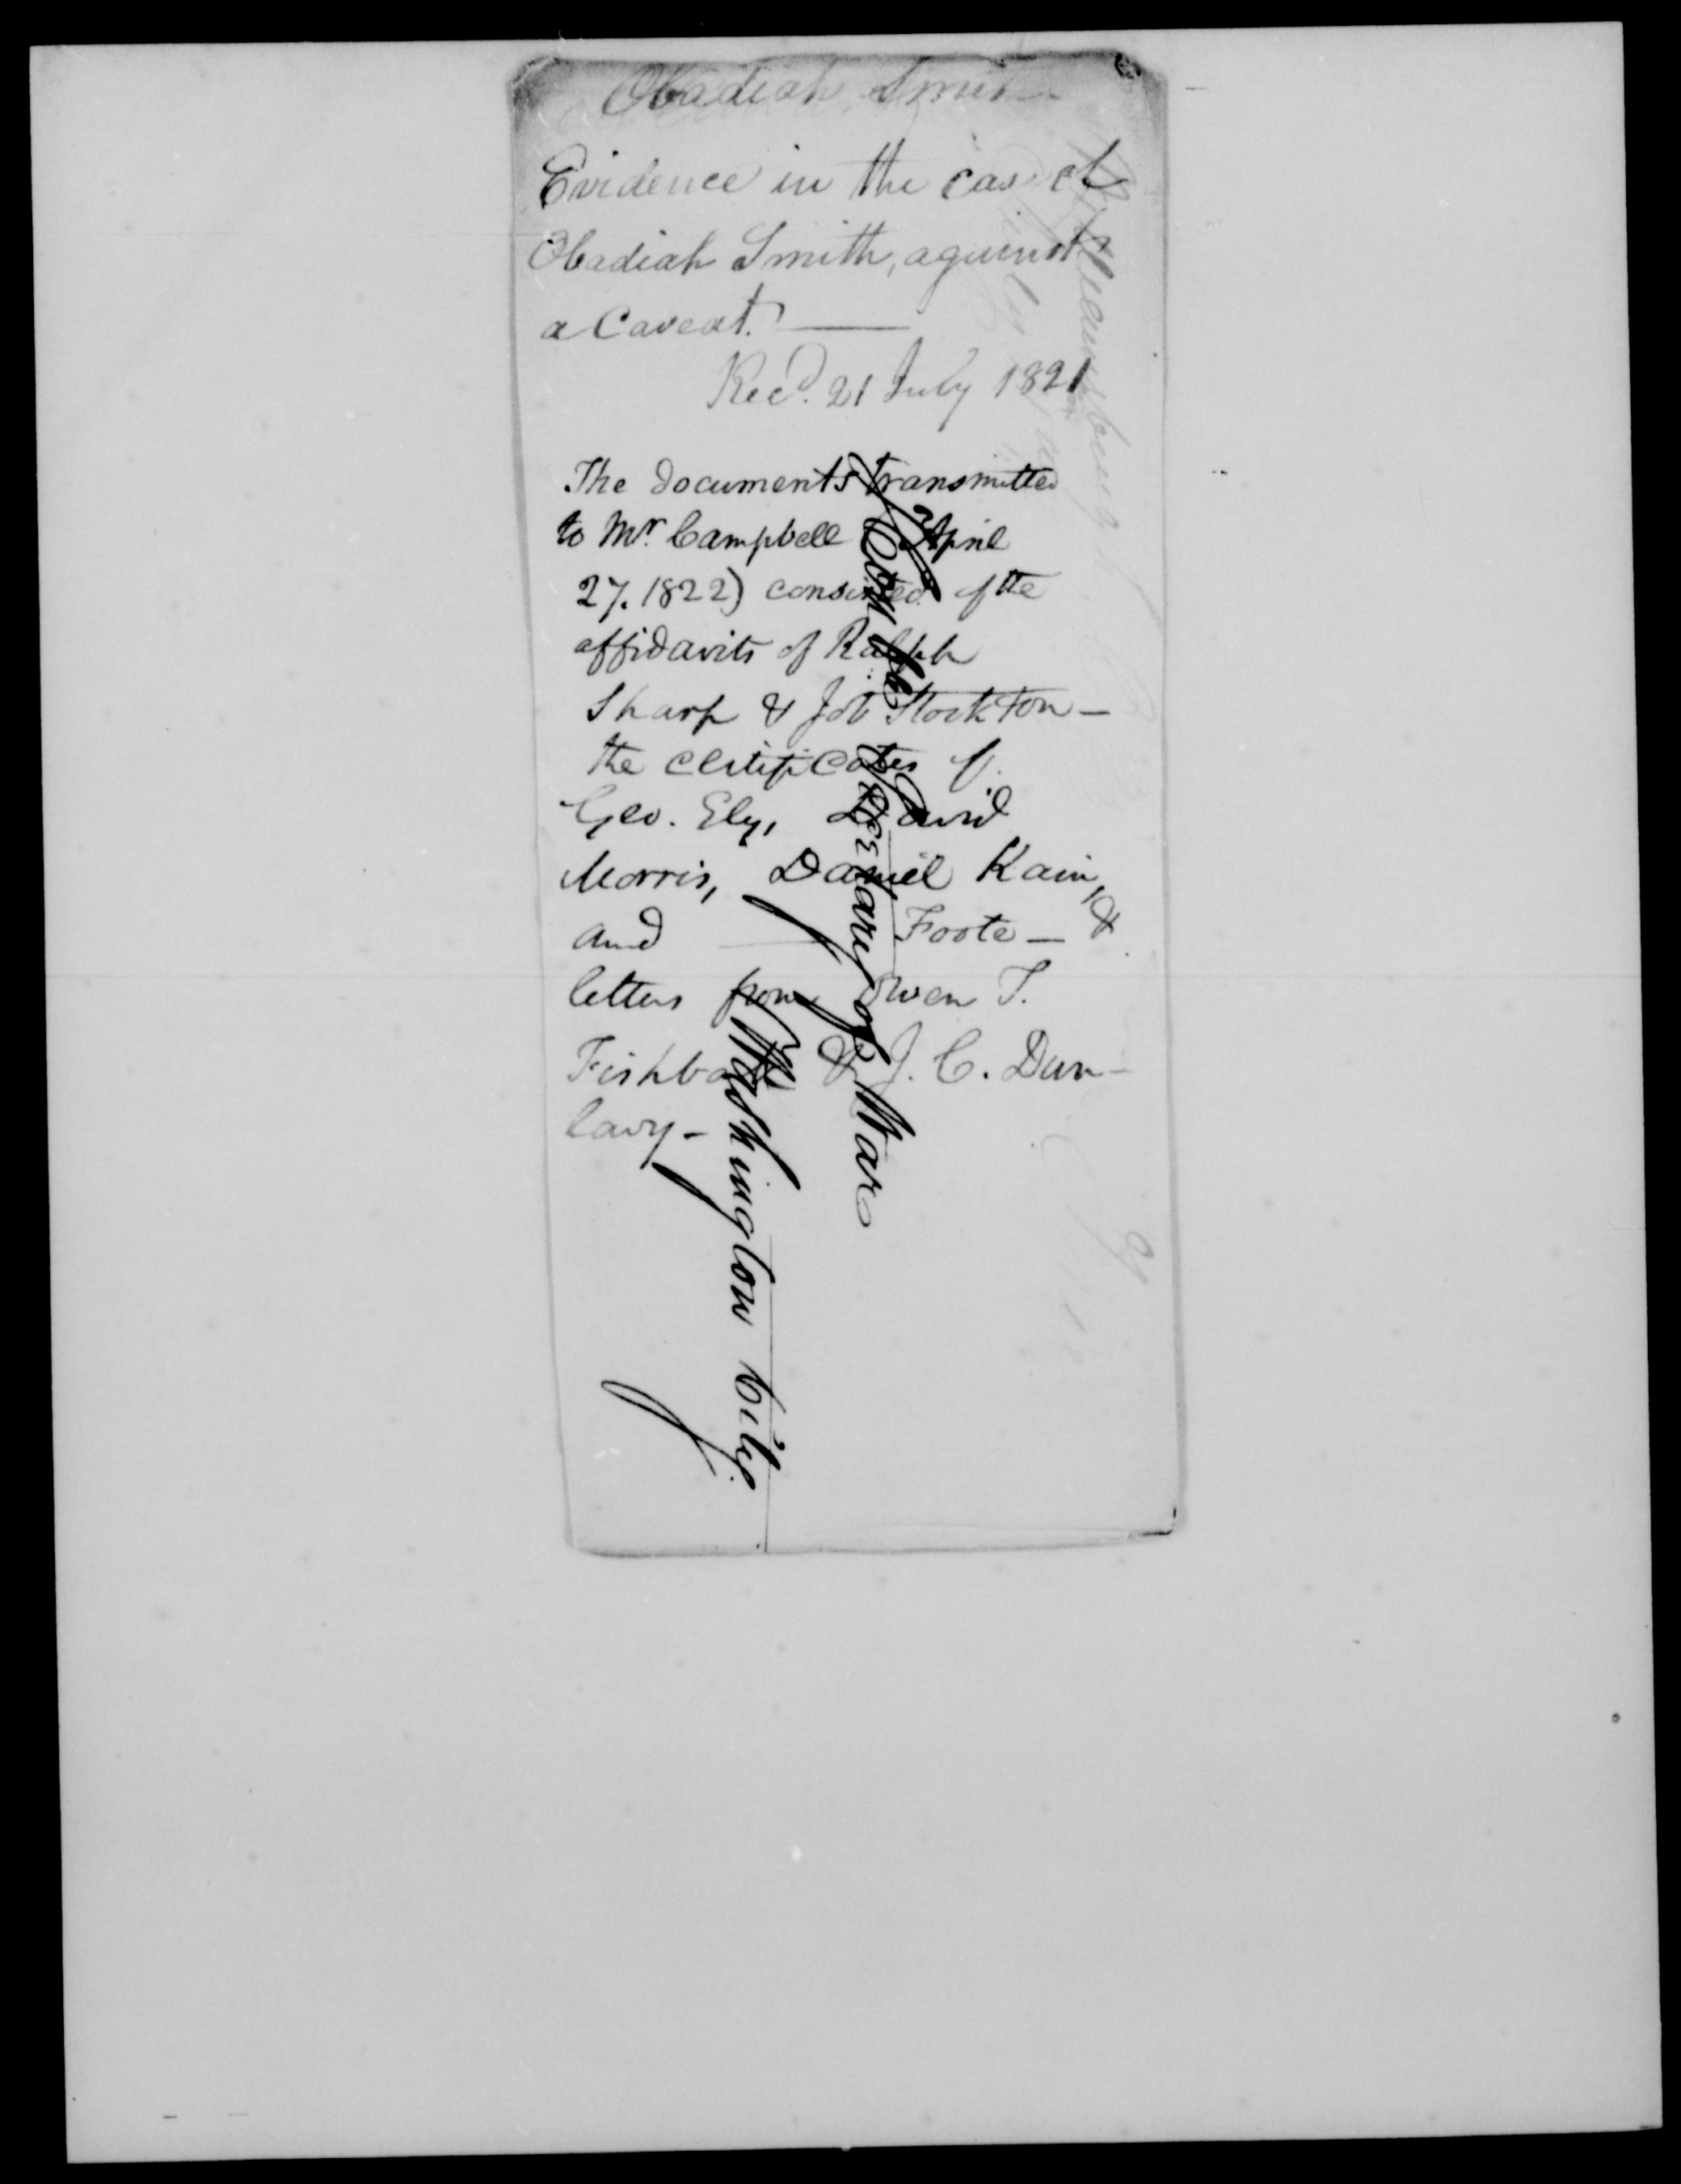Obadiah Smith Evidenced in the case of Obadiah Smith, against a Caveat. Recd. 21 July 1821 
The Documents transmitted to Mr. Campbell April 27. 1822) consisted of the affidavits of Ralph Sharp & Job Stockton- the certificates of Geo. Ely, David Morris, Daniel Kain, and [blank] Foote - letters from Owen T. Fishback & J. C. Dunlavy 
[written vertically across the middle of the text of this page:] 
Honble Secretary of War Washington City. 
[written vertically across and along the right side of the text of this page, very faded:] Williamsburgh Ohio July [illegible]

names: J C Dunlavy; [BLANK] Campbell; [BLANK] Foote; Daniel Kain; Geo Ely; Job Stockton; Obadiah Smith; Obadiah Smith; David Morris; Ralph Sharp; Owen T Fishback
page: 15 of 66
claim: survivor's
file: S 40458, for Obadiah Smith, New York